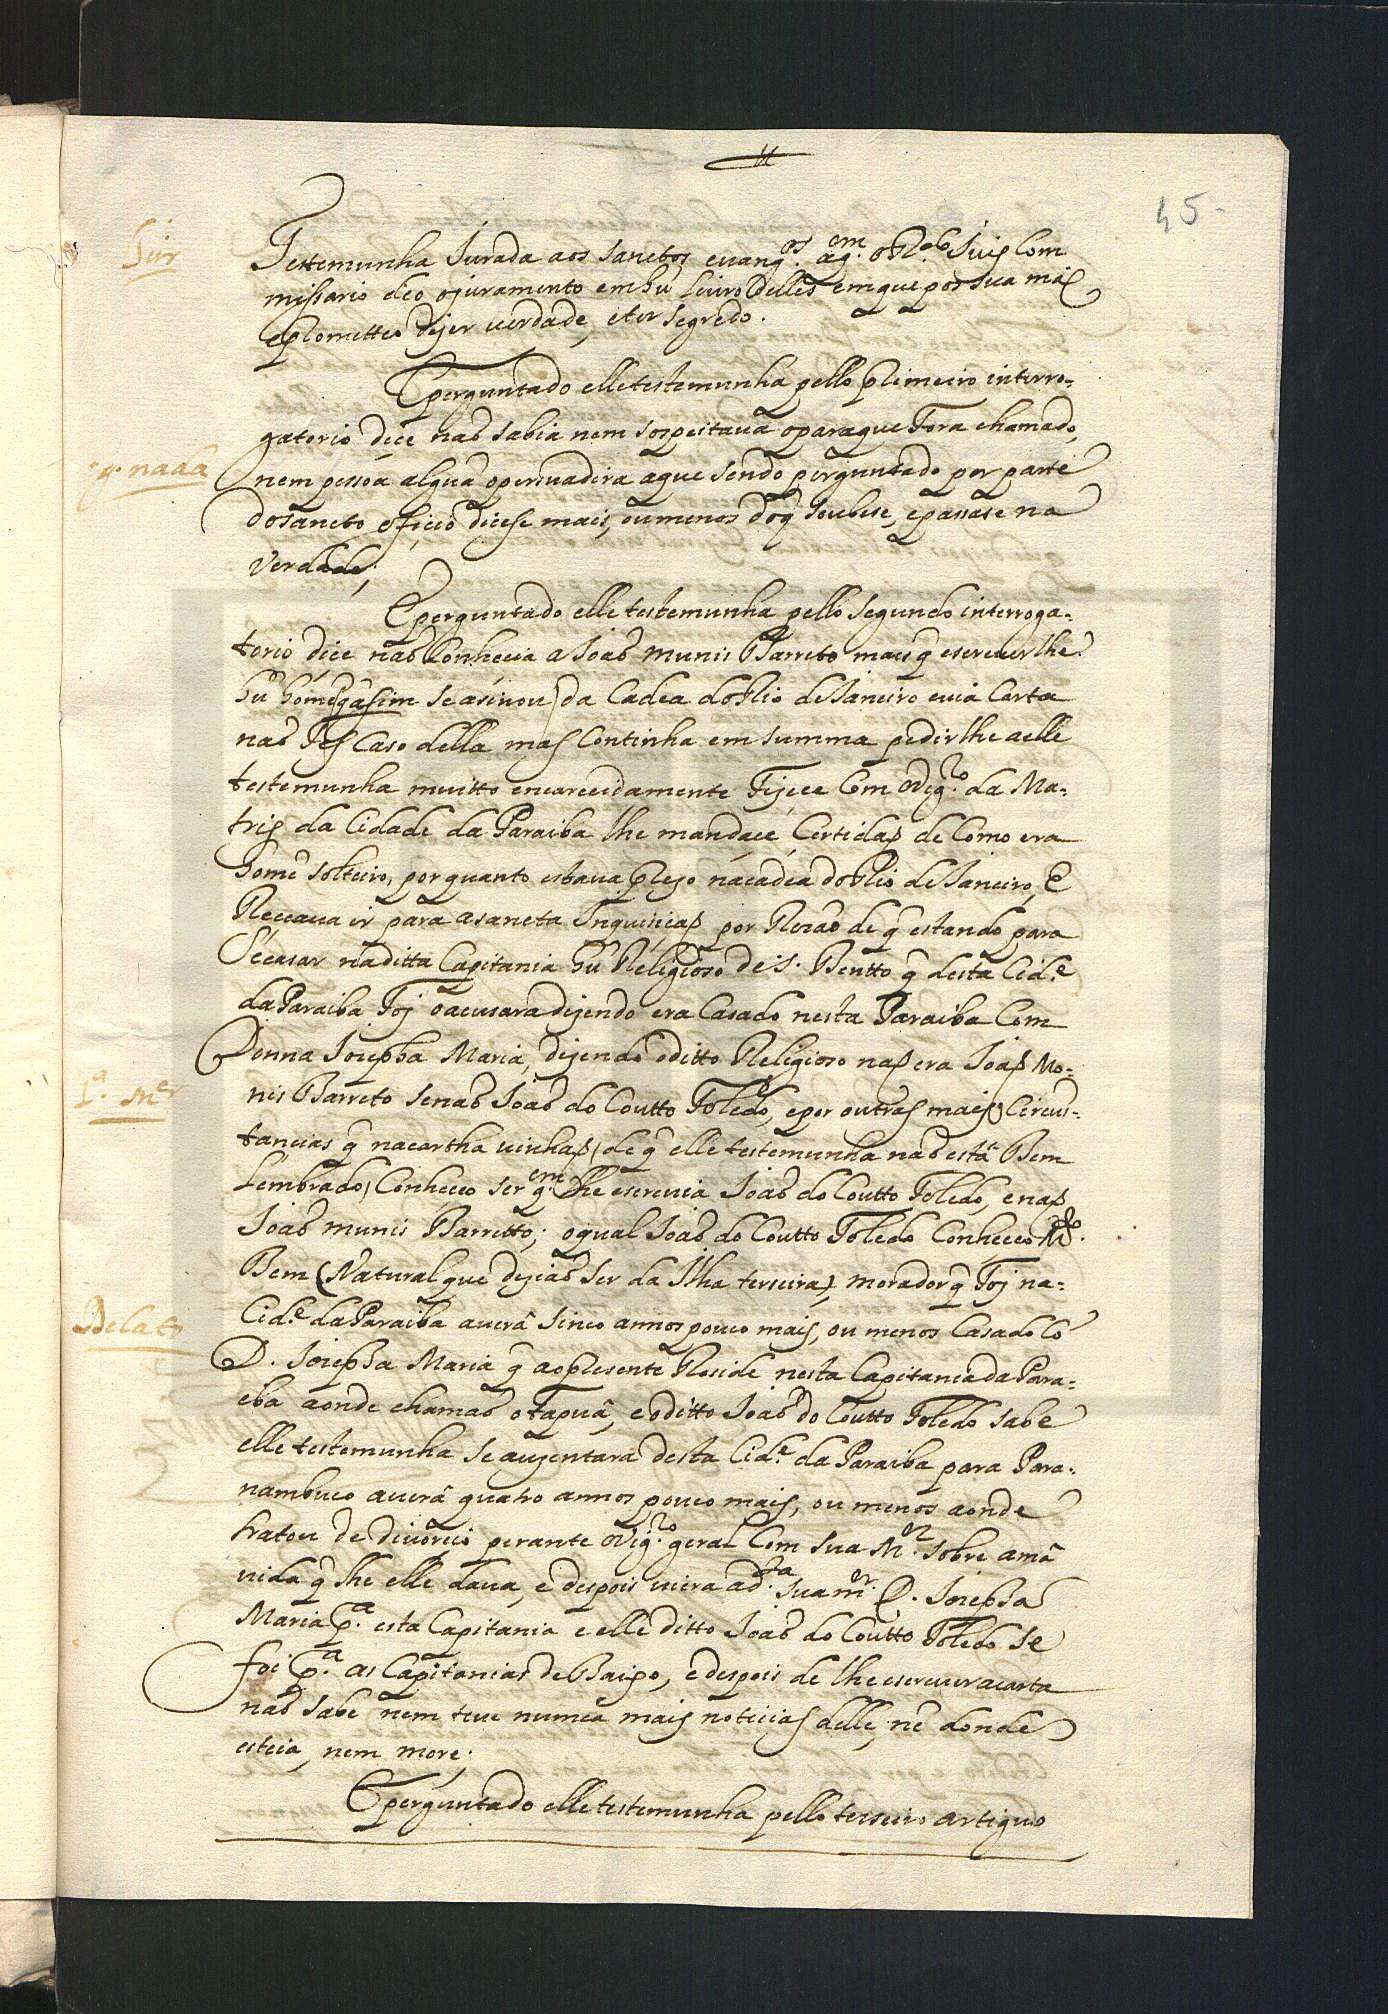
Testemunha Jurada aos Sanctos euang.os a q.em o R.do Iuis Com
Iur
missario deo o juramento em hū liuro delles em que pos sua maõ,
e prometteo dizer uerdade, e ter segredo.
E perguntado elle testemunha pello primeiro interro
gatorio dice naõ sabia nem sospeitaua o para que Fora chamado,
nem pessoa alguā o persuadira a que sendo perguntado por parte
g. nada
do sancto oficio dicese mais, ou menos do q̄ soubese, e passase na
verdade;
E perguntado elle testemunha pello segundo interroga
torio dice naõ Conhecia a Ioaõ munis Barreto mais q̄ escreuer lhe
hū homē (q̄ asim se asinou) da Cadea do Rio de Ianeiro cuia Carta
naõ Fes Caso della mas Continha em summa pedirlhe a elle
testemunha muitto encarecidamente Fizece Com o vig.ro da Ma
tris da Cidade da Paraiba lhe mandace Certidaõ de Como era
homē solteiro, porquanto estaua prezo na cadea do Rio de Ianeiro, E
Receaua ir para a sancta Inquisiçaõ por Rezão de q̄ estando para
Se casar na ditta Capitania hū Religioso de S. Bentto q̄ desta Cid.e
da Paraiba Foj o acusara dizendo era Casado nesta Paraiba Com
Donna Iozepha Maria, dizendo o ditto Religioso naõ era Ioaõ Mo
nis Barreto, senaõ Ioaõ do Coutto Toledo, e por outras mais circūs
1. Mer
tancias q̄ na cartha uinhaõ (de q̄ elle testemunha naõ está Bem
Lembrado) Conheceo ser q.em lhe escreuia Ioaõ do Coutto Toledo, e naõ
Joaõ munis Barretto; o qual Ioaõ do Coutto Toledo Conheceo M.to
Bem (Natural que deziaõ ser da Ilha terceira), morador q̄ Foj na
Cid.e da Paraiba auerâ sinco annos pouco mais, ou menos Casado Co
Delato
D. Iozepha Maria q̄ ao presente Reside nesta Capitania da Para
iba aonde chamaõ o Tapuâ, e o ditto Ioaõ do Coutto Toledo sabe
elle testemunha se auzentara desta Cid.e da Paraiba para Para
nambuco auerâ quatro annos pouco mais, ou menos aonde
tratou de diuorcio perante o vig.ro geral Com sua M.er sobre a mâ
uida q̄ lhe elle daua, e despois uiera a d.a sua m.er D. Iozepha
Maria p.a esta Capitania, e elle ditto Ioaõ do Coutto Toledo se
foi p.a as Capitanias de Baixo, e despois de lhe escreuer a carta
naõ sabe nem teue numca mais noticias delle, nē donde
esteia, nem more;
E perguntado elle testemunha pello terseiro artiguo
